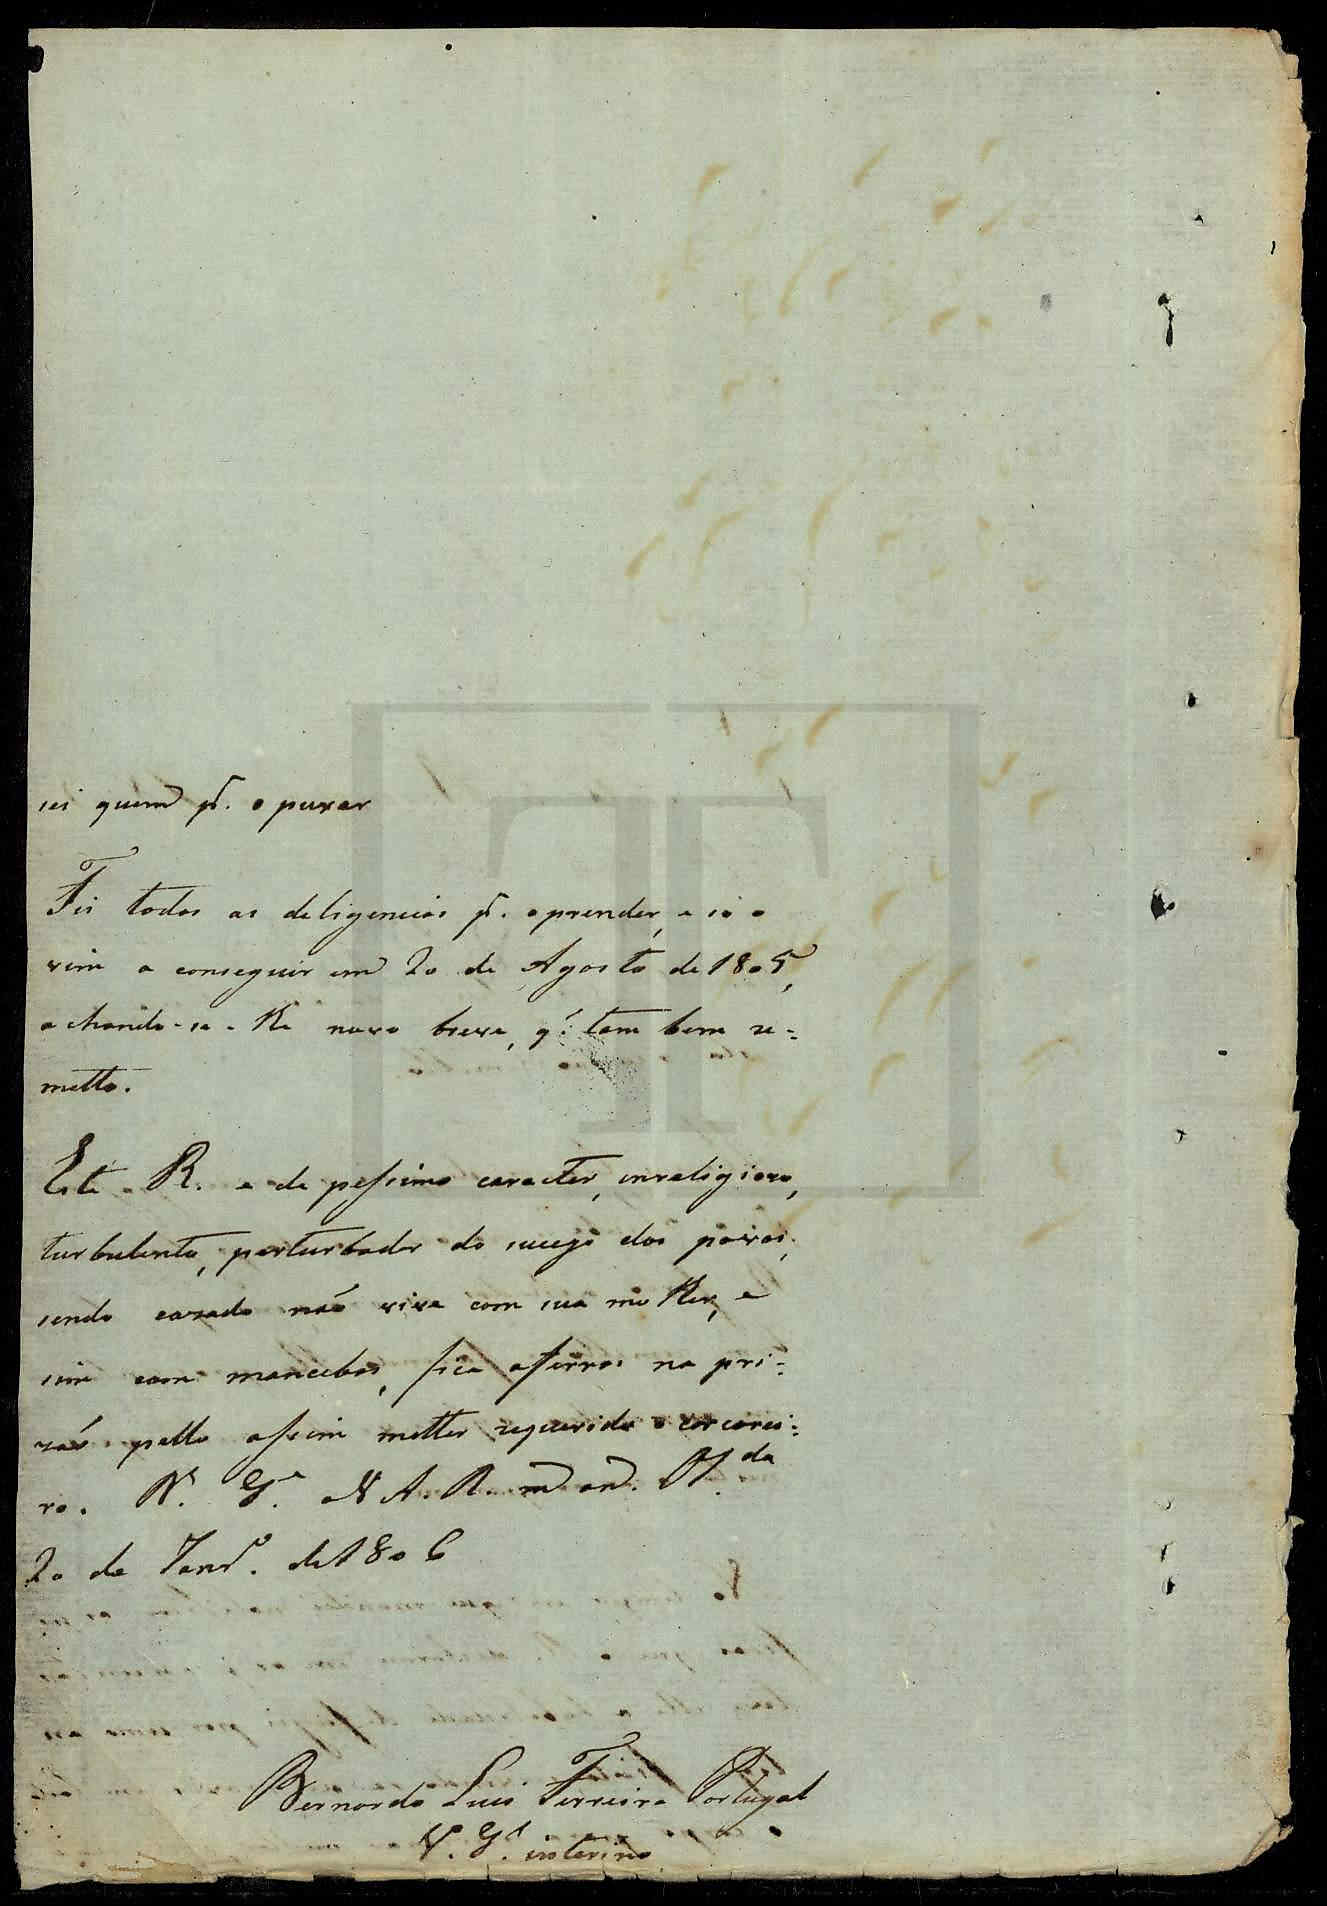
sei quem p.a o puxar
Fis todos as deligencias p.a o prender, e só o
vim a conseguir em 20 de Agosto de 1805,
achando-se-lhe novo breve, q̄ tambem re
metto.
Este R. e de pessimo caracter, inreligiozo,
turbulento, perturbador do sucego dos povos,
sendo cazado naõ vive com sua mulher, e
sim com mancebos, fica a ferros na pri
zaõ pello assim metter requerido o carcerei
ro. D.s G.e a V A. R. m̄ an̄. Ol.da
20 de Ianr.o de 1806
Bernardo Luis Ferreira Portugal
V. G.l interino
